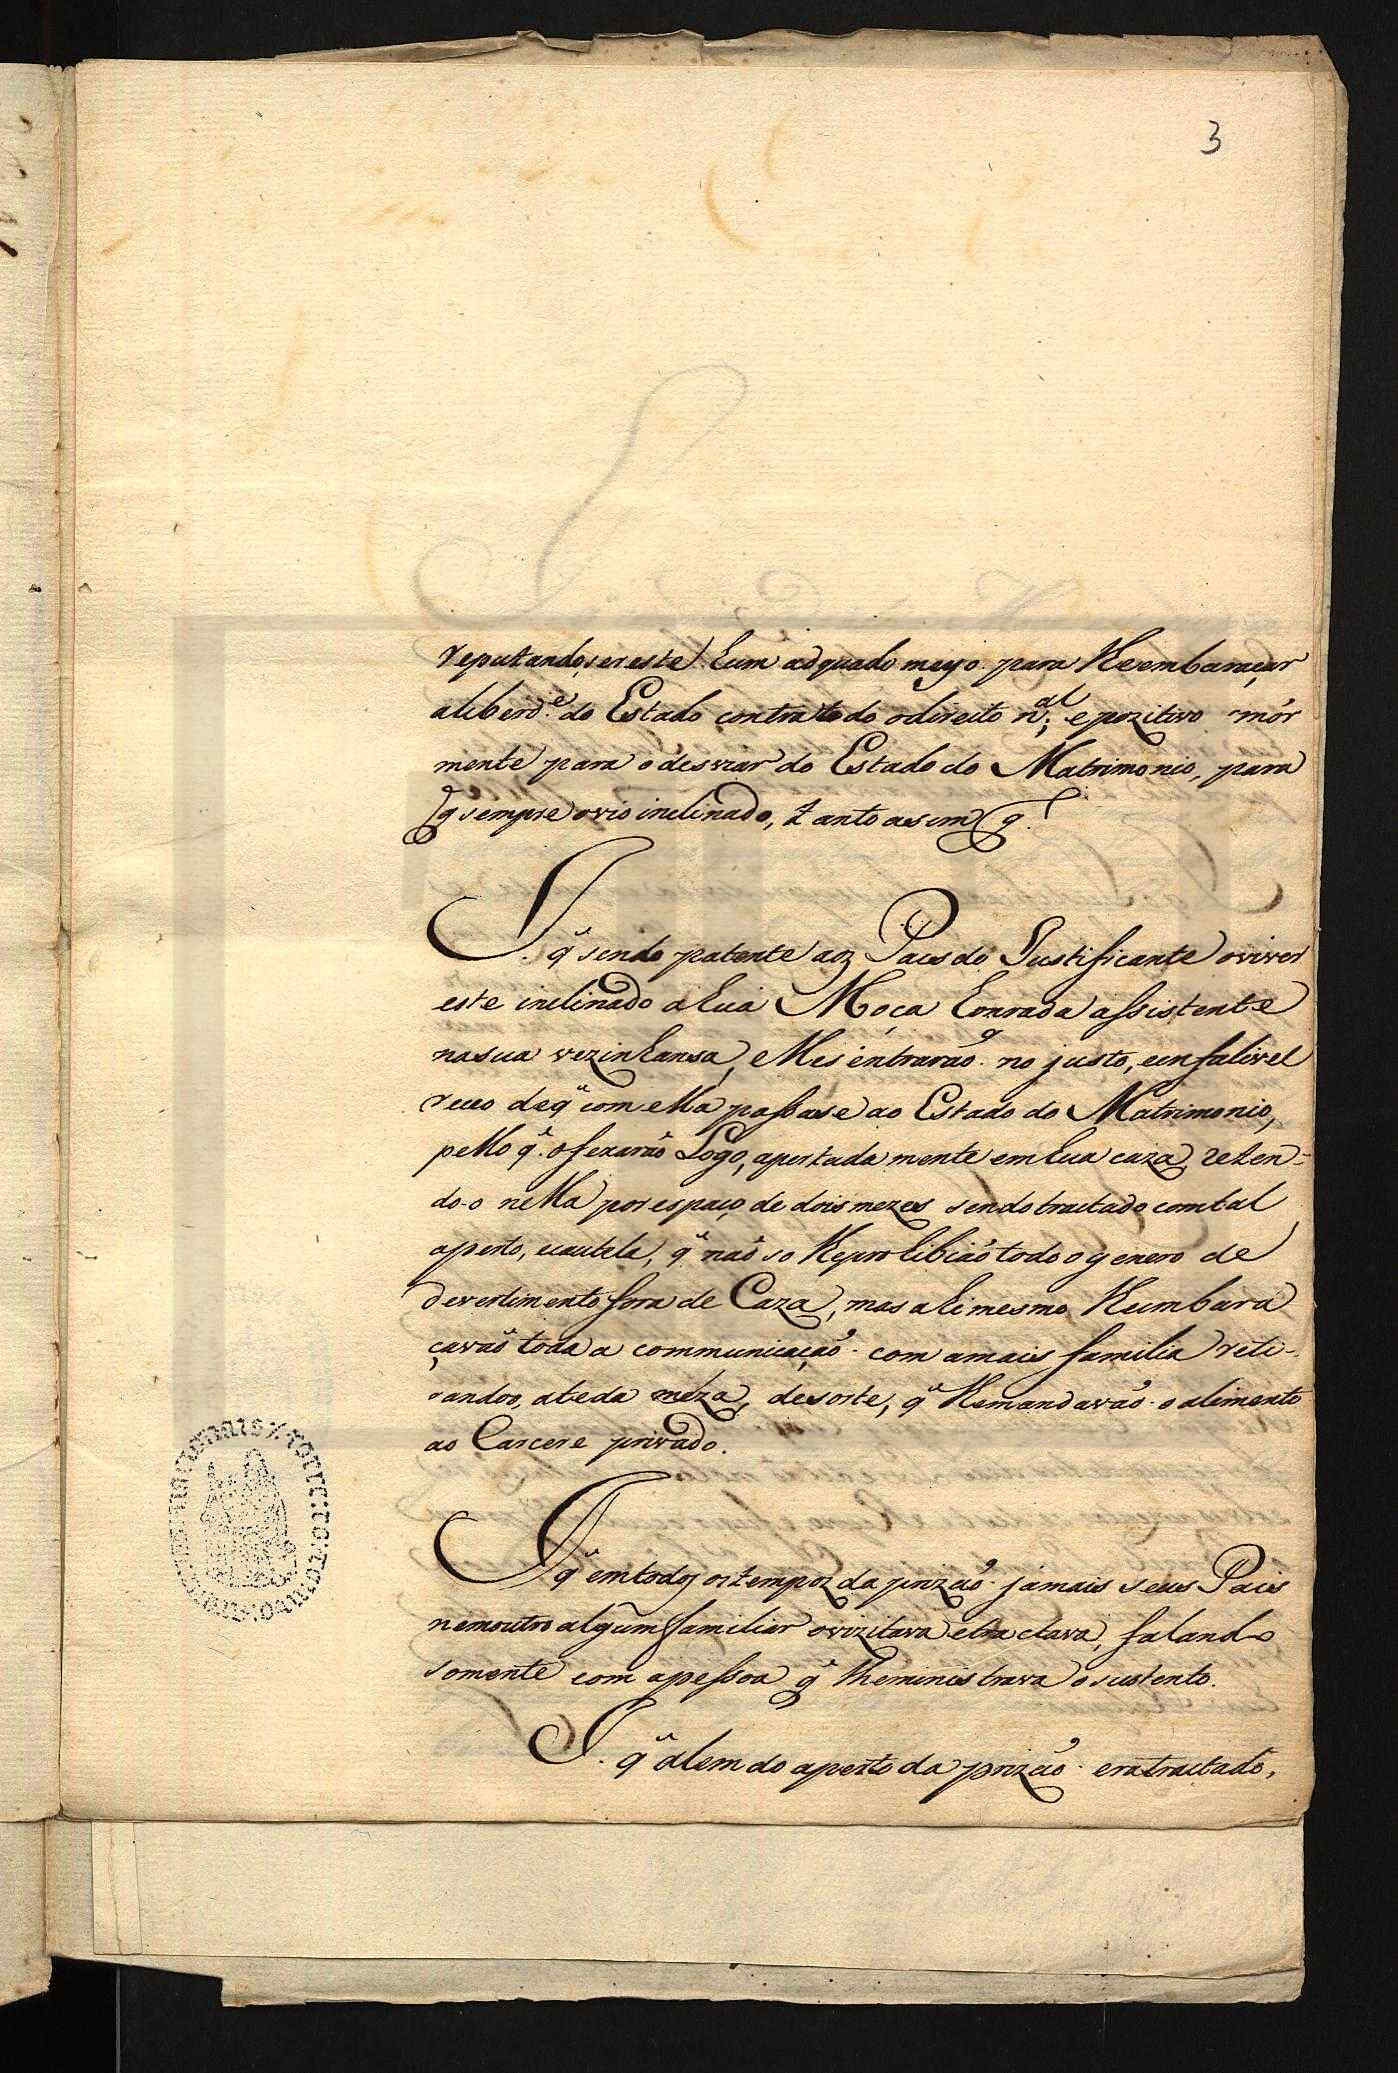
reputando, ser este hum adquado meyo para lhe embaraçar
a liberd.e do Estado contra todo o direito n.al; e pozitivo, mór
mente para o desviar do Estado do Matrimonio, para
q̄ sempre o vio inclinado, tanto asim q̄.
I. q̄ sendo patente aoz Pais do Iustificante o viver
este inclinado a hua Moça honrada assistente
na sua vezinhansa, elles intraraõ no justo, e infalivel
receo de q̄ com ella passase ao Estado do Matrimonio,
pello q̄ ofexaraõ Logo, apertadamente em hua caza, reten
do-o nella por espaço de dois mezes, sendo tractado com tal
aperto, e cautela, q̄ naõ só lhe prohibiaõ todo o genero de
devertimento fora de Caza, mas ahi mesmo lhe imbara
çavaõ toda a comunicaçaõ com a mais familia reti
randoo, a toda meza, de sorte, q̄ lhe mandavaõ o alimento
ao Carcere privado.
I q̄ em todos os tempoz da prizaõ jamais seus Pais
nem outro algum familiar o vizitava e tractava, falando
somente com a pessoa q̄ lhe ministrava o sustento.
I. q̄ alem do aperto da prizaõ era tractado,
